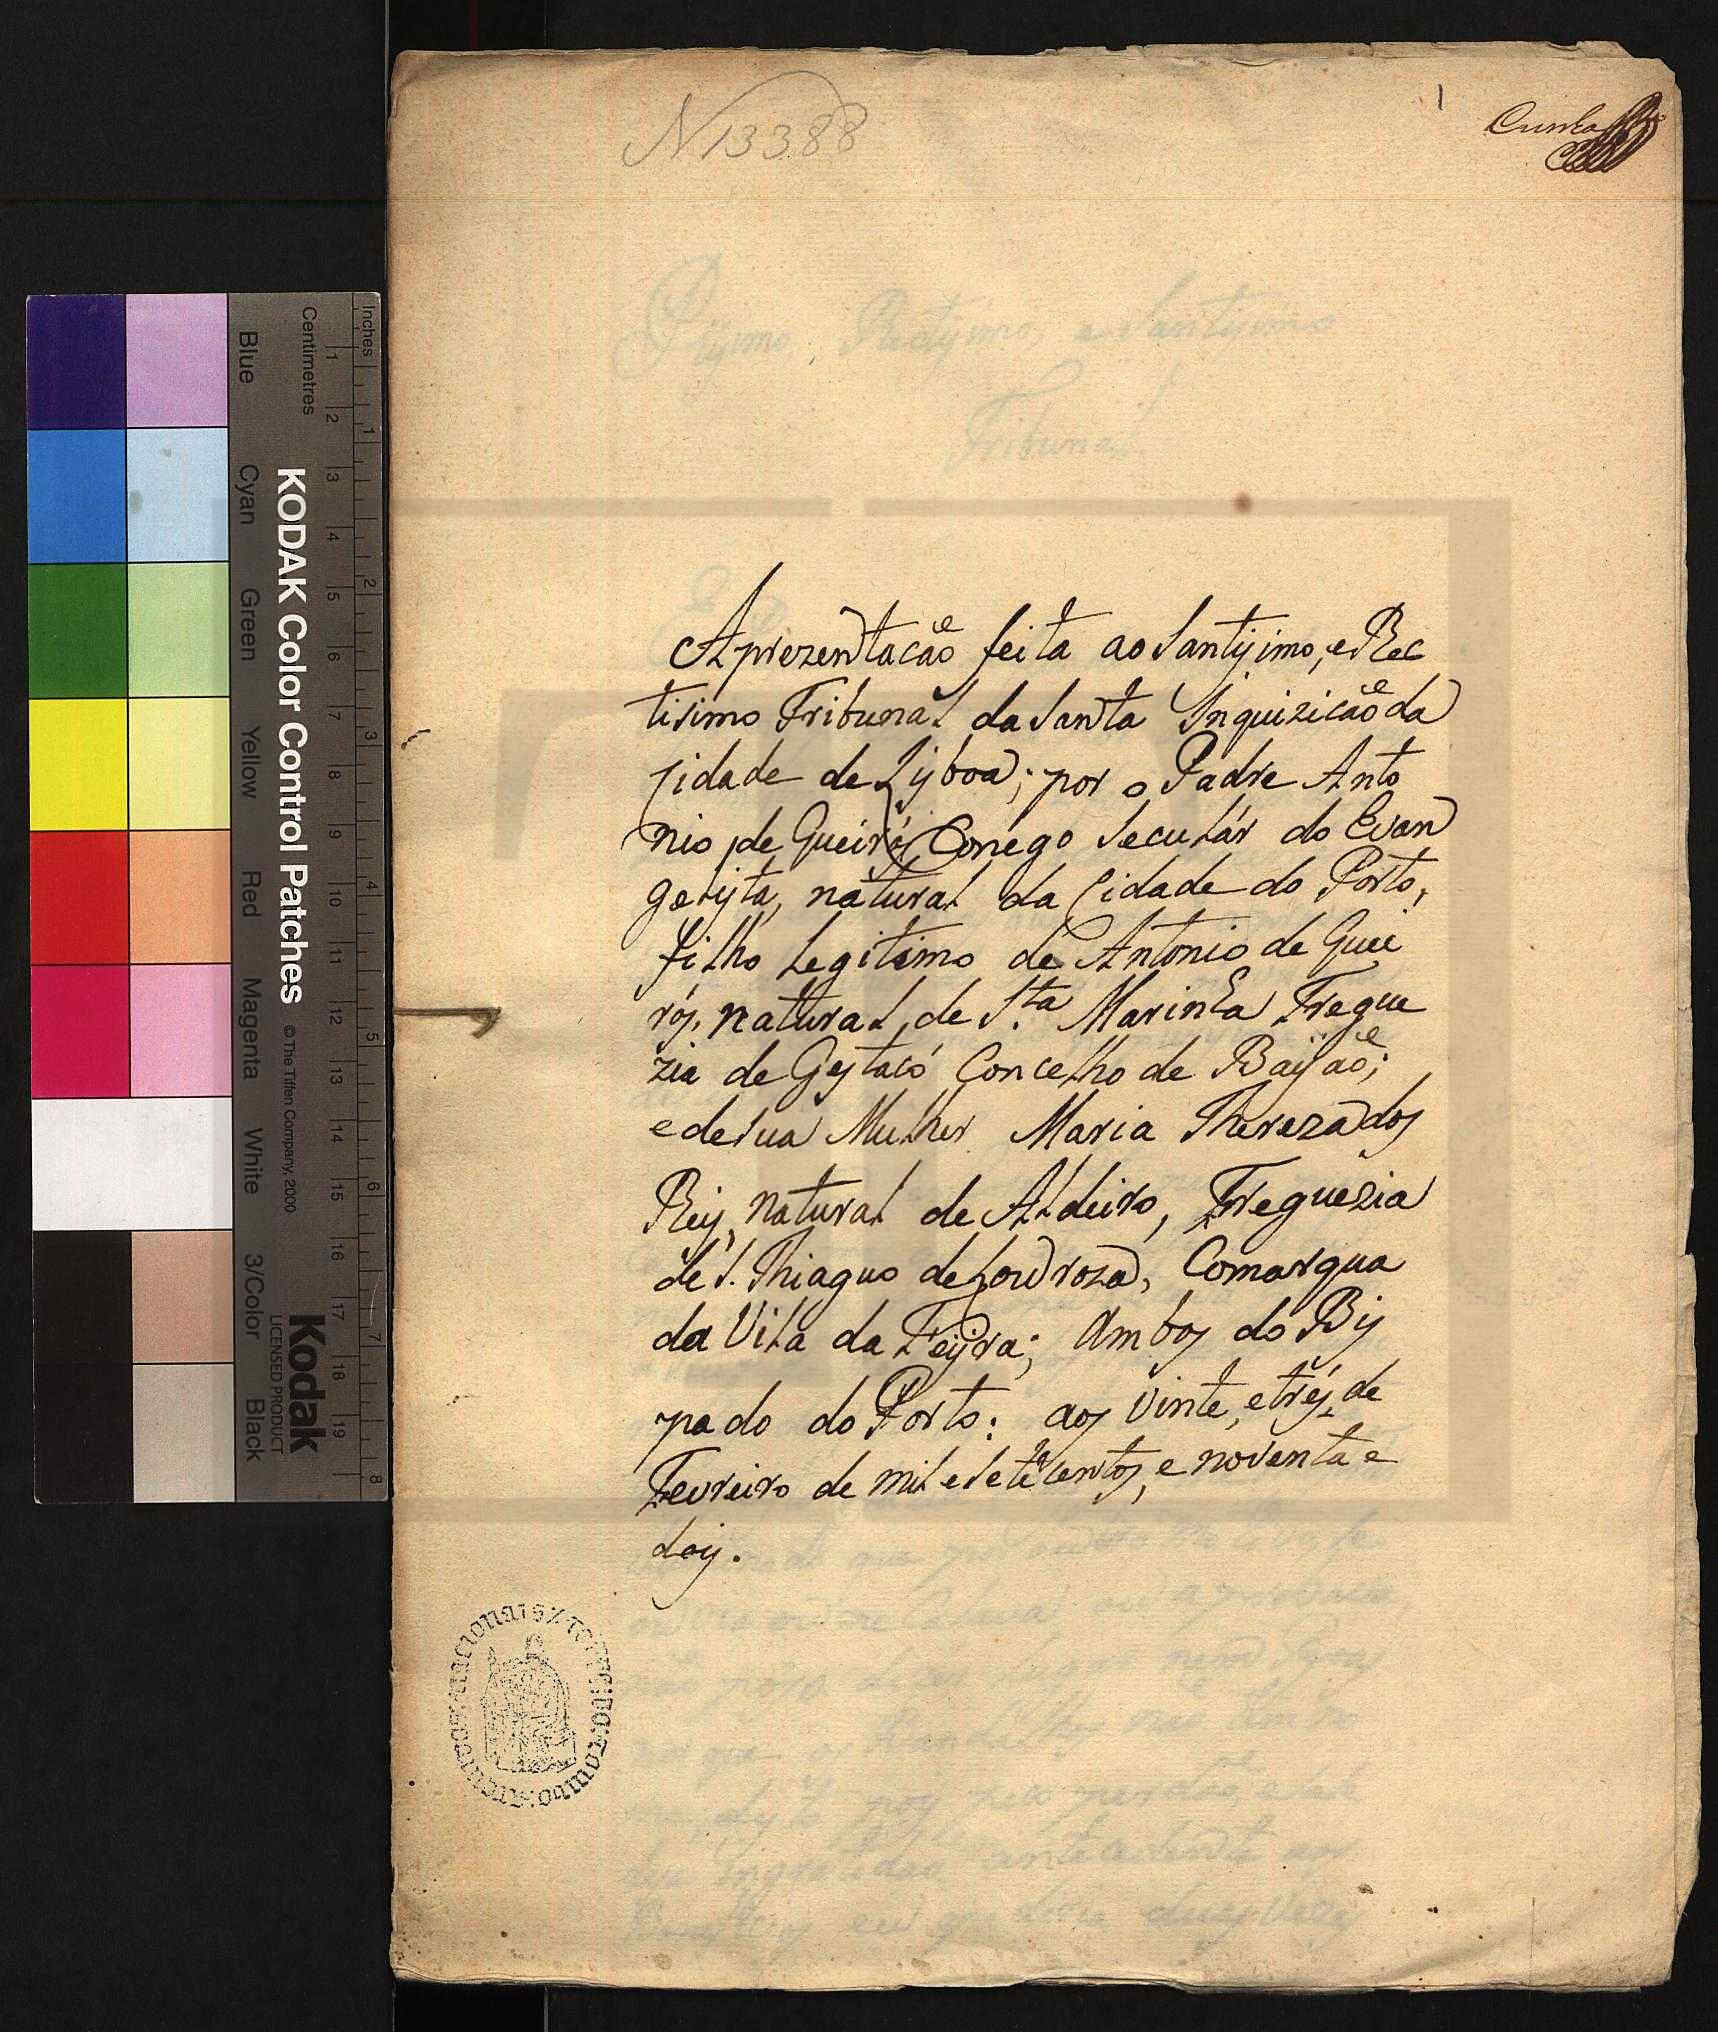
Cunha
A prezentação feita ao Santisimo, e Rec
tisimo Tribunal da Santa Inquiziçaõ da
Cidade de Lisboa; por o Padre Anto
nio de Queirós Conego secuLár do Evan
gelista, natural da Cidade do Porto,
filho Legitimo de Antonio de Quei
rós, natural, de S.ta Marinha Fregue
zia de Gestacó Concelho de Bayaõ;
e de sua Mulher Maria Thereza dos
Reis, natural de Aldeiro, Freguezia
de s. Thiaguo de Louroza, Comarqua
da Vila da Feyra; ambos do Bis
pado do Porto: aos vinte, e trés de
Fevreiro de mil e setecentos, e noventa, e
dois.
